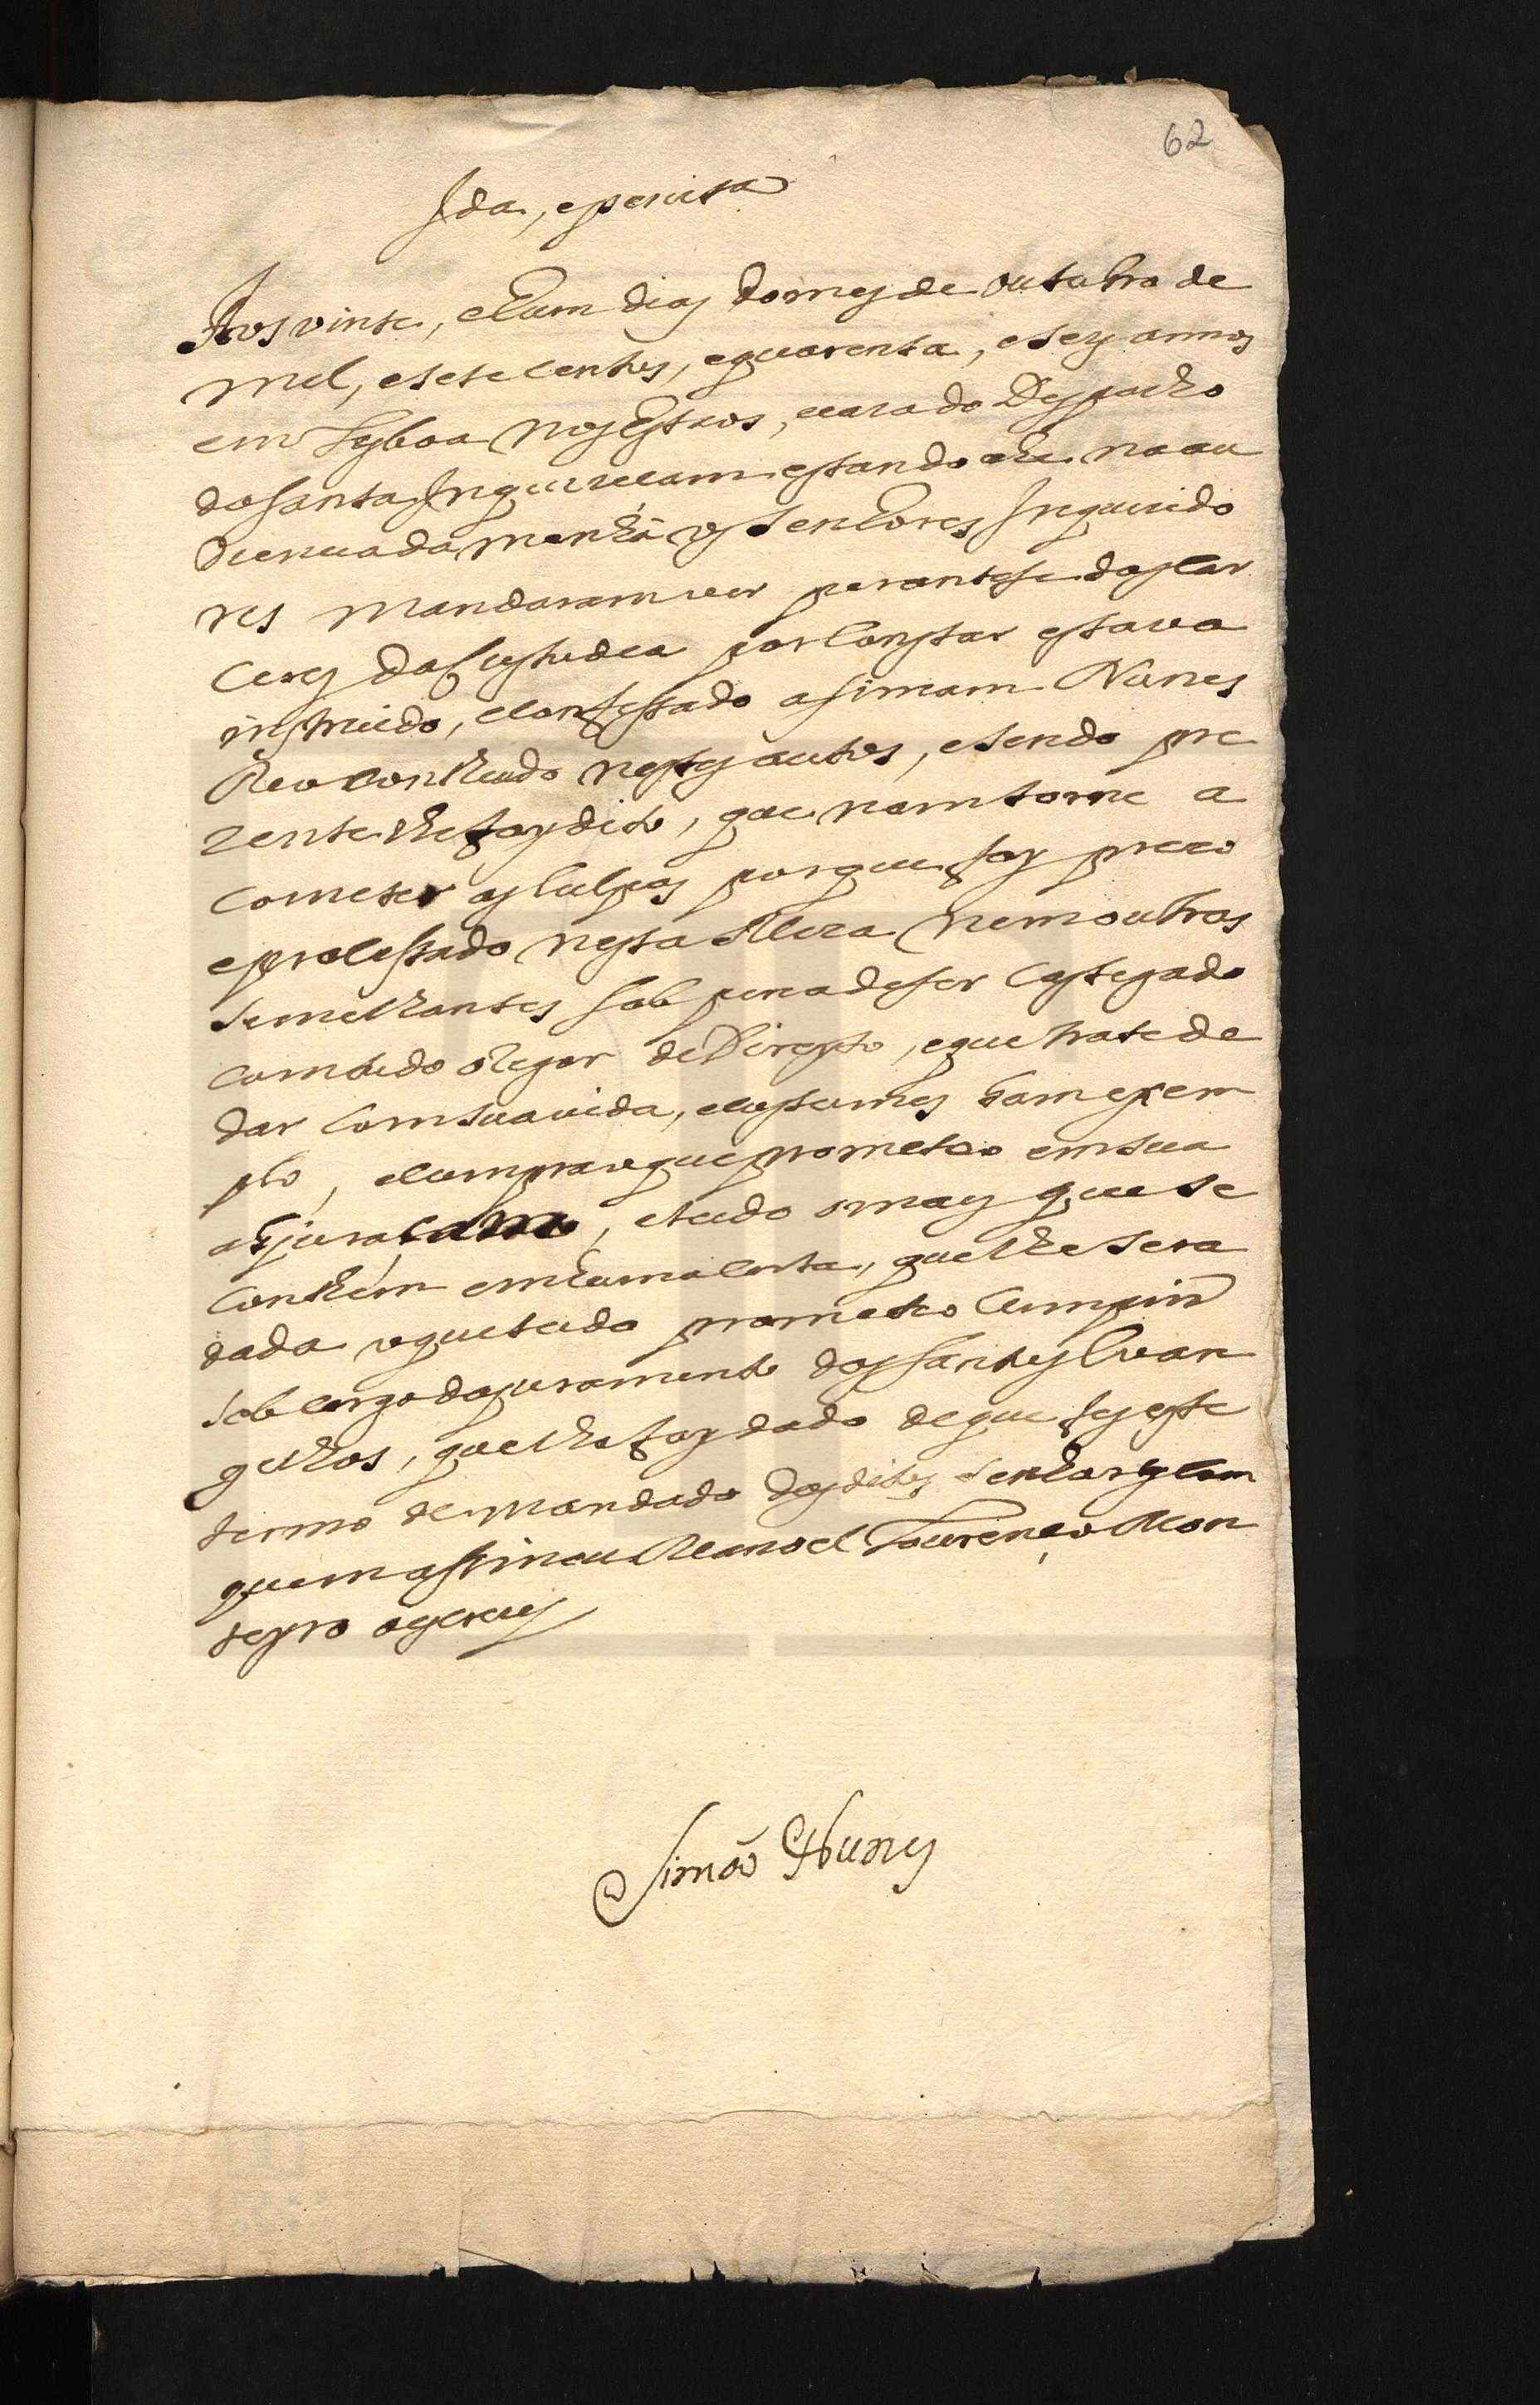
Ida, e penita
Aos vinte, e hum dias do mes de outubro de
mil, e setecentos, e quarenta, e seis annos
em Lisboa nos Estaos, e caza do Despacho
da santa Jnquiziçam estando ahi na au
diencia da menhã os senhores Jnquizido
res mandaram vir perante si dos car
ceres da Custodia por constar estava
instruido, e confessado a simam Nunes
Reo contheudo nestes autos, e sendo pre
zente lhe foy dito, que nam torne a
cometer as Culpas porque foy prezo
e processado nesta Meza nem outras
semelhantes sob pena de ser castigado
com tudo o Rigor de Direyto, e que trate de
dar com sua vida, e custumes bom exem
plo, e cumpra o que prometeo em sua
abjuraçam, e tudo o mais que se
conthem em huma carta, que lhe sera
dada o que tudo prometeo cumprir
sob cargo do juramento dos santos Evan
gelhos, que lhe foy dado de que fes este
termo de mandado dos ditos senhores com
quem assinou Manoel Lourenço Mon
teyro o escreuj
Simaõ Nunes
